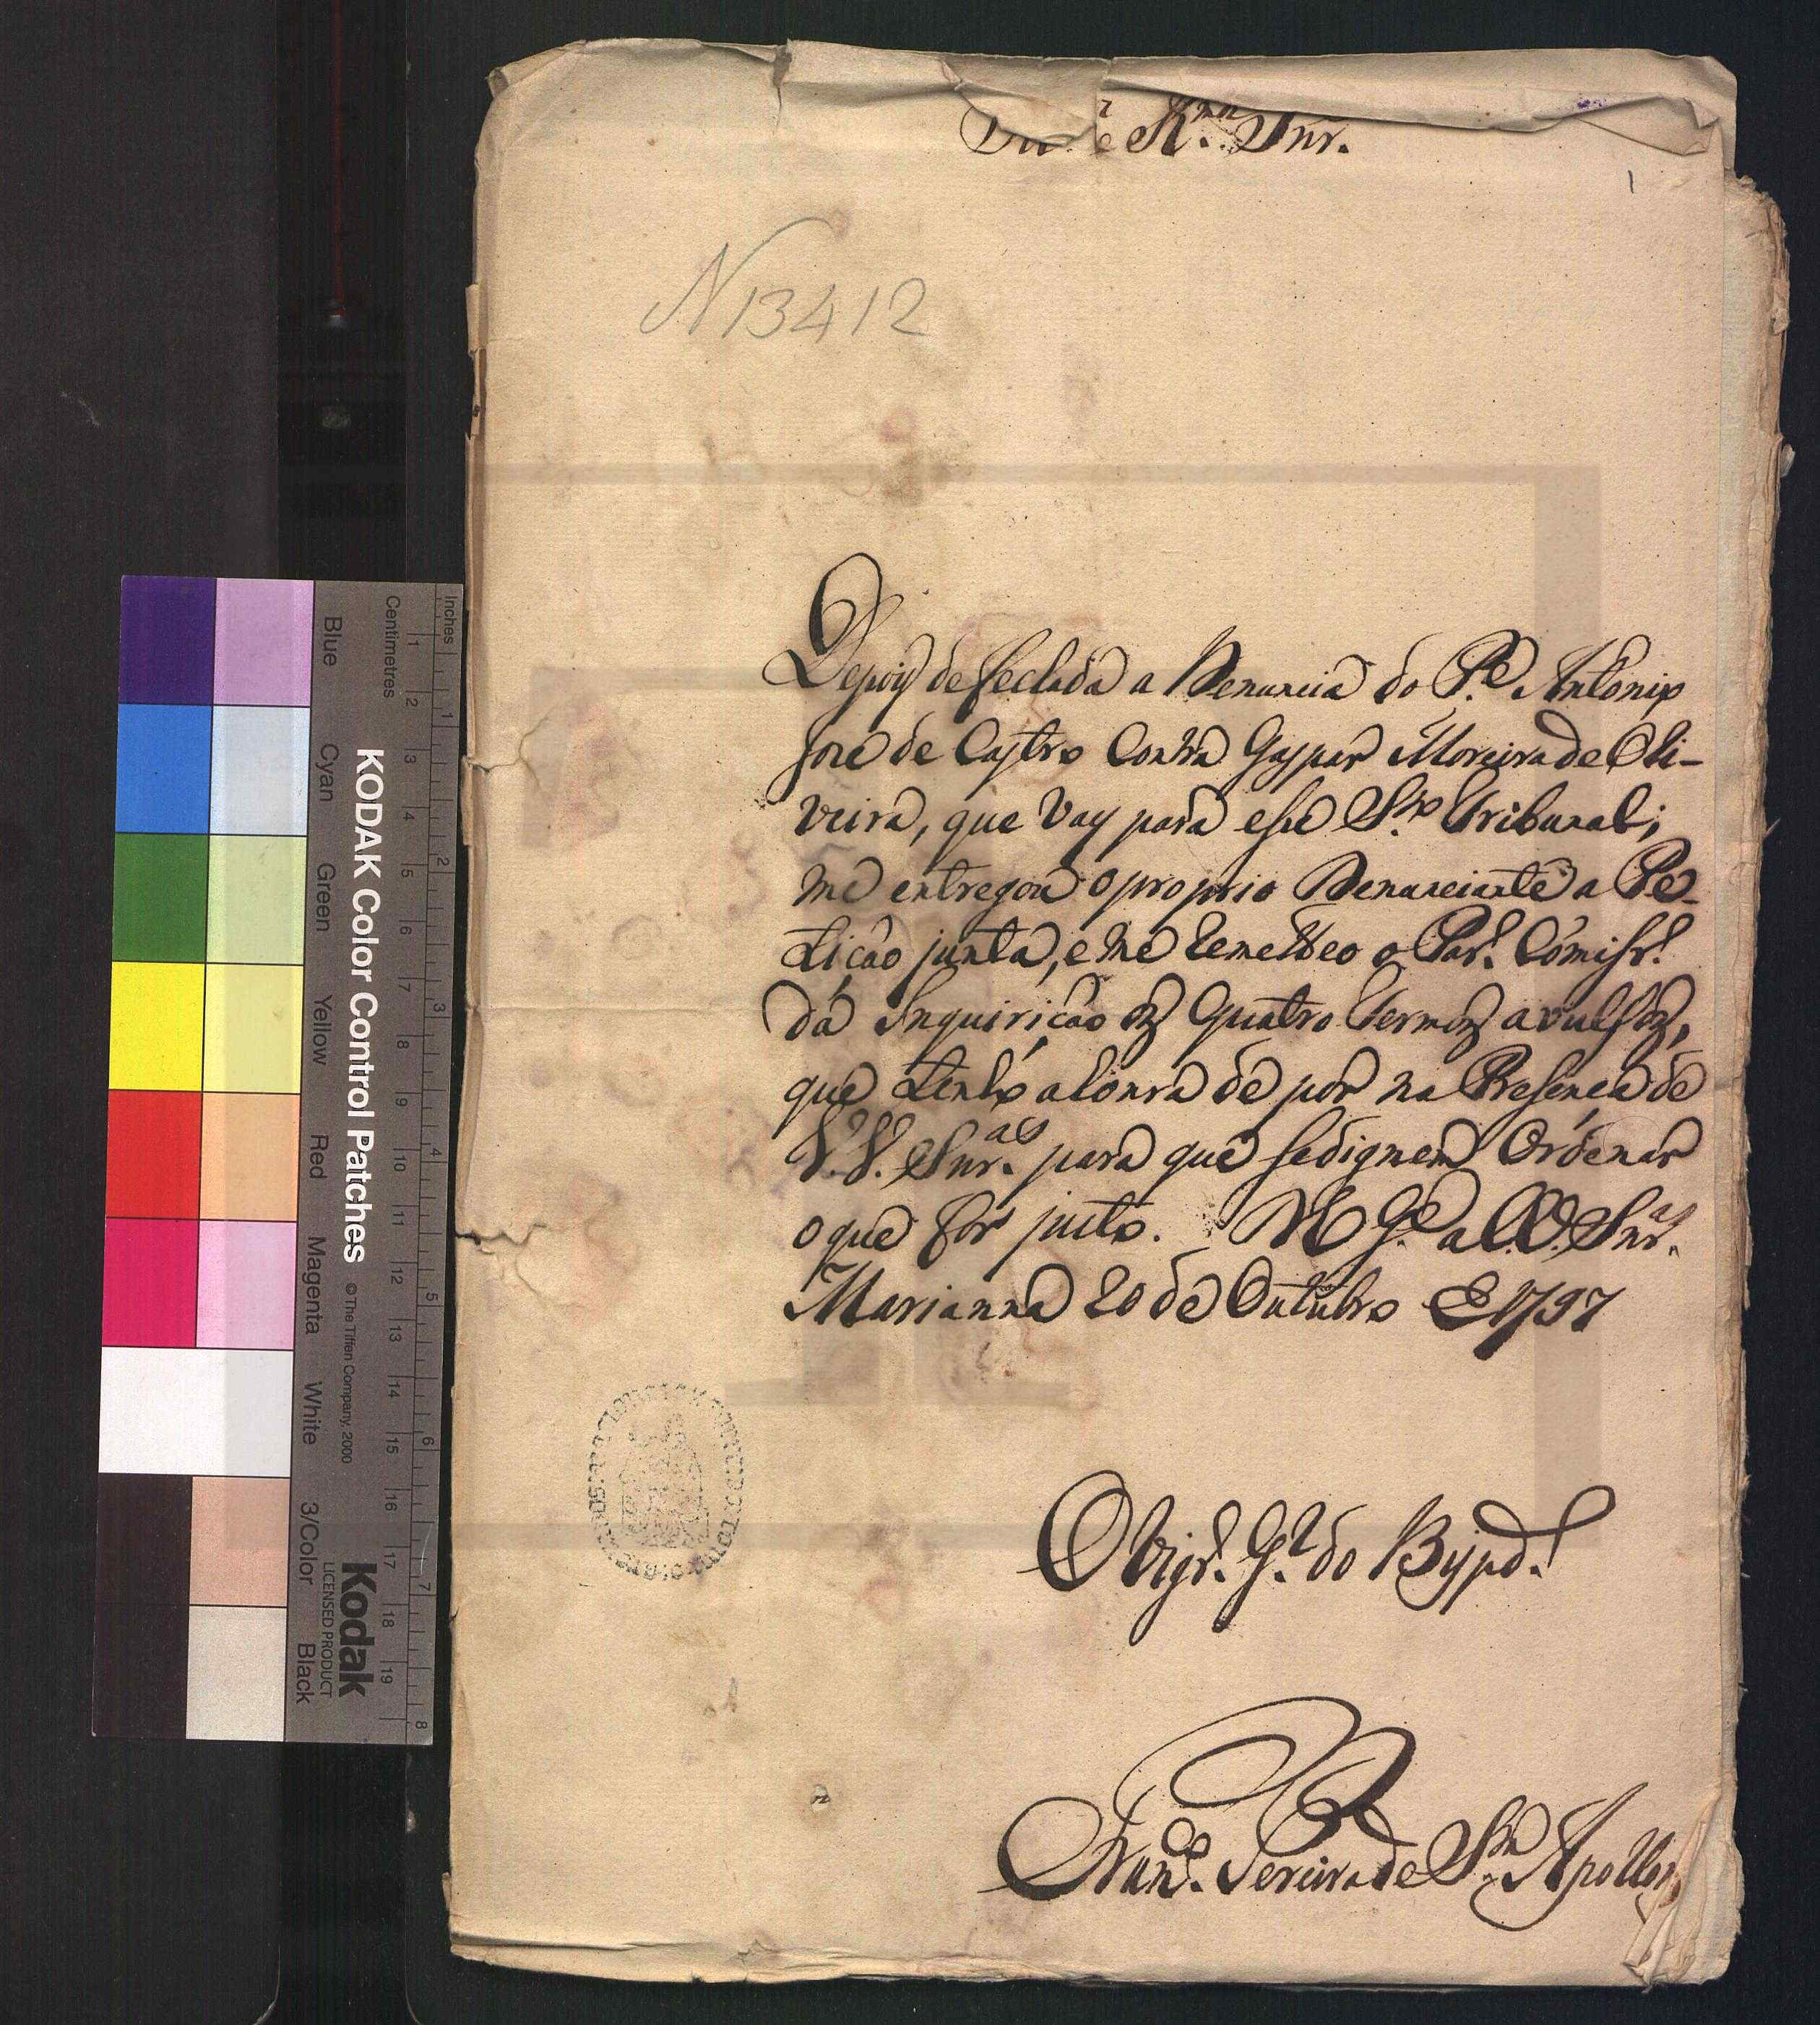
R.mo Sn̄r.
Depois de fechada a Denuncia do P.e Antonio
Joze de Castro Contra Gaspar Moreira de Oli
veira, que vay para esse S.to Tribunal;
me entregou o proprio Denunciante a Pe
tiçaõ junta, e me Remetteo o Par.o Com̄isr.o
da Inquirição oz Quatro Termoz avulsoz,
que tenho a honra de por na Presença de
V.V. Snr.as para que se dignem Ordenar
o que for justo. Ds G.e a V.V. Snr.as
Marianna 20 de Outubro E 1797
O Vigr.o G.l do Bispd.o
Fran.co Pereira de S.ta Apolloz
